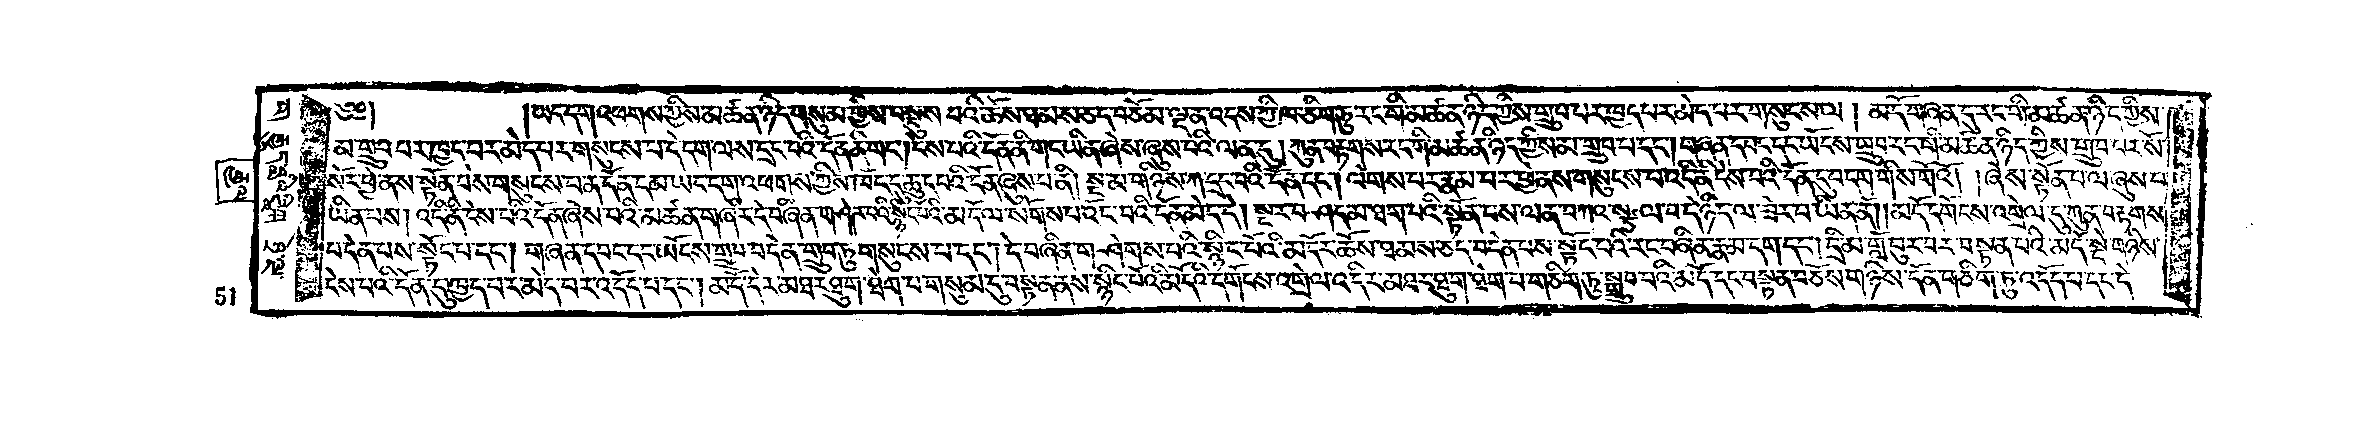༄༅། །ཡང་དག་འཕགས་ཀྱིས་མཚན་ཉིད་གསུམ་གྱིས་བསྡུས་པའི་ཆོས་ཐམས་ཅད་བཅོམ་ལྡན་འདས་ཀྱི་ཁ་ཅིག་ཏུ་རང་གི་མཚན་ཉིད་ཀྱིས་གྲུབ་པར་ཁྱད་པར་མེད་པར་གསུངས་ལ། མདོ་གཞན་དུ་རང་གི་མཚན་ཉིད་ཀྱིས་
མ་གྲུབ་པར་ཁྱད་པར་མེད་པར་གསུངས་པ་དེ་དག་ལས་དྲང་བའི་དོན་ནི་གང་། ངེས་པའི་དོན་ནི་གང་ཡིན་ཞེས་ཞུས་པའི་ལན་དུ། ཀུན་བརྟགས་རང་གི་མཚན་ཉིད་ཀྱིས་མ་གྲུབ་པ་དང་། གཞན་དབང་དང་ཡོངས་གྲུབ་རང་གི་མཚན་ཉིད་ཀྱིས་གྲུབ་པར་སོ་
སོར་ཕྱེ་ནས་སྟོན་པས་གསུངས་པ་ན་དོན་དམ་ཡང་དག་འཕགས་ཀྱིས་ཁོང་དུ་ཆུད་པའི་དོན་ཞུས་པ་ནི། སྔ་མ་གཉིས་ཀ་དྲང་བའི་དོན་དང་། ལེགས་པར་རྣམ་པར་ཕྱེ་ནས་གསུངས་པ་འདི་ནི་ངེས་པའི་དོན་དུ་བདག་གིས་གོའོ། །ཞེས་སྟོན་པ་ལ་ཞུས་པ་
ཡིན་པས། འདི་ནི་ངེས་པའི་དོན་ཞེས་པའི་མཚན་གཞིར་དེ་བཞིན་གཤེགས་པའི་སྙིང་པོའི་མདོ་ལ་སོགས་པ་འོང་བའི་དོན་མེད་དེ། སྔར་བཤད་མ་ཐག་པའི་སྟོན་པས་ལན་བཀའ་སྩལ་བ་དེ་ཉིད་ལ་ཟེར་བ་ཡིན་ནོ། །མདོ་དགོངས་འགྲེལ་དུ་ཀུན་བརྟགས་
པ་དེན?་པས་སྟོང་པ་དང་། གཞན་དབང་དང་ཡོངས་གྲུབ་བདེན་གྲུབ་ཏུ་གསུངས་པ་དང་། དེ་བཞིན་གཤེགས་པའི་སྙིང་པོའི་མདོར་ཆོས་ཐམས་ཅད་བདེན་པས་སྟོང་པའི་རང་བཞིན་རྣམ་དག་དང་། དྲི་མ་གློ་བུར་པར་བསྟན་པའི་མདོ་སྡེ་གཉིས་
ངེས་པའི་དོན་དུ་ཁྱད་པར་མེད་པར་འདོད་པ་དང་། མདོ་དེར་མཐར་ཐུག་ཐེག་པ་གསུམ་དུ་བསྟན་ནས་སྙིང་པོའི་མདོའི་དགོངས་འགྲེལ་འདིར་མཐར་ཐུག་ཐེག་པ་གཅིག་ཏུ་སྒྲུབ་པའི་མདོ་དང་བསྟན་བཅོས་གཉིས་དོན་གཅིག་ཏུ་འདོད་པ་དང་དེ་